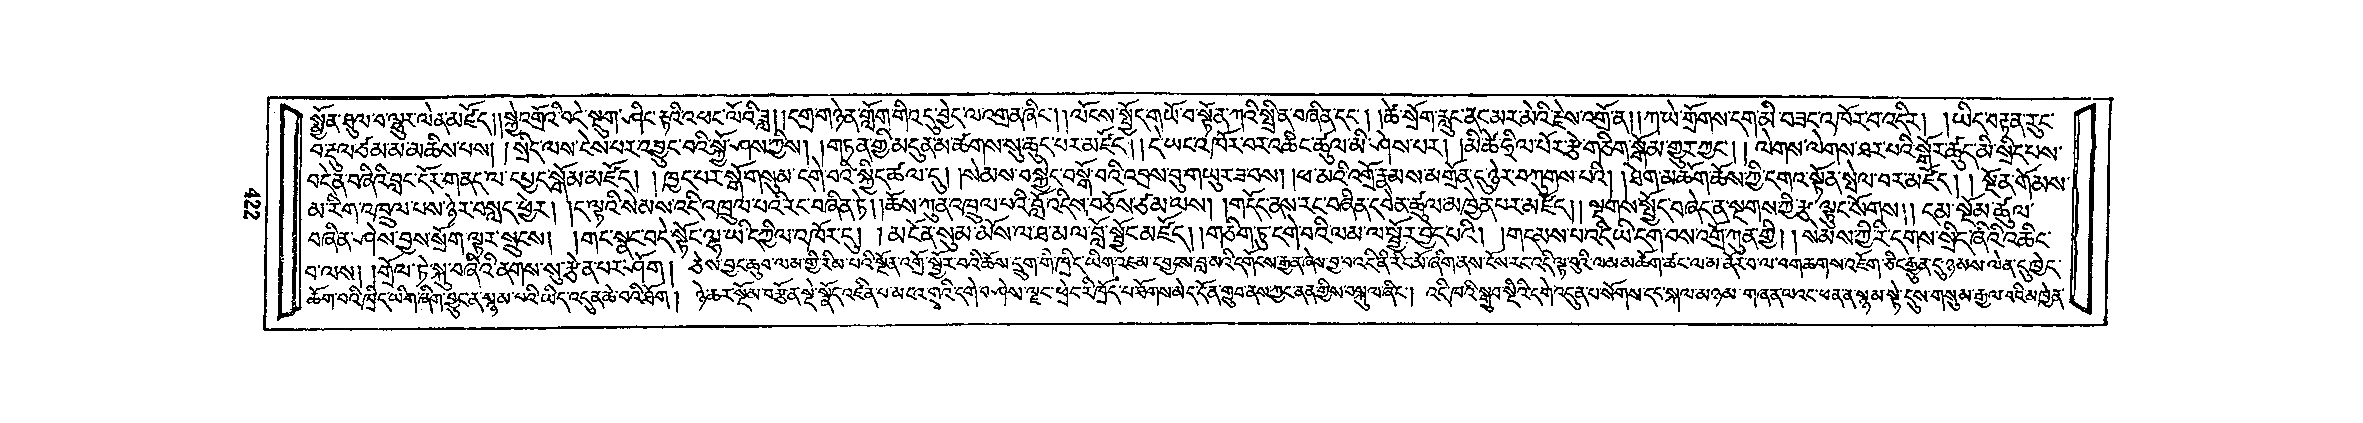སྨྱོན་ཐུལ་བ་ལྷུར་ལེན་མཛོད། །སྐྱེ་འགྲོའི་བདེ་སྡུག་ཤིང་རྟའི་འཕང་ལོའི་ཟླ། །དགྲ་གཉེན་གློག་གི་འདུ་བྱེད་ལ་འགྲན་ཞིང་། །ལོངས་སྤྱོད་གཡོ་བ་སྟོན་ཀའི་སྤྲིན་བཞིན་དང་། །ཚེ་སྲོག་རླུང་ནང་མར་མེའི་རྗེས་འགྲོ་ན། །ཀ་ཡེ་གྲོགས་དག་མི་བཟང་འཁོར་བ་འདིར། །ཡིད་བརྟན་རུང་
བ་རྡུལ་ཙམ་མ་མཆིས་པས། །སྲིད་ལས་ངེས་པར་འབྱུང་བའི་སྐྱོ་ཤས་ཀྱིས། །གཏན་གྱི་མདུན་མ་ཚགས་སུ་ཆུང་པར་མཛོད། །དེ་ཡང་འཁོར་བར་འཆིང་ཚུལ་མི་ཤེས་པར། །མི་ཚེ་ཧྲིལ་པོར་རྩེ་གཅིག་སྒོམ་གྱུར་ཀྱང་། །ལེགས་ལེགས་ཐར་པའི་སྒོར་ཚུད་མི་སྲིད་པས་
བདེན་བཞིའི་བླང་དོར་གནད་ལ་དཔྱད་སྒོམ་མཛོད། །ཁྱད་པར་སྒོ་གསུམ་དགེ་བའི་སྐྱིད་ཚལ་དུ། །སེམས་བསྐྱེད་བསྒོ་བའི་འབྲས་བུ་གཡུར་ཟ་བས། །ཕ་མའི་འགྲོ་རྣམས་མགྲོན་དུ་ཉེར་བཀུགས་པའི། །ཐེག་མཆོག་ཆོས་ཀྱི་དགའ་སྟོན་སྤེལ་བར་མཛོད། །སྔོན་གོམས་
མ་རིག་འཁྲུལ་པས་ཉེར་བསླད་ཕྱེར། །ད་ལྟའི་སེམས་འདི་འཁྲུལ་པའི་རང་བཞིན་ཏེ། །ཆོས་ཀུན་འཁྲུལ་པའི་བློ་འདིས་བཅོས་ཙམ་ལས། །གདོད་ནས་རང་བཞིན་དབེན་ཚུལ་མཁྱེན་པར་མཛོད། །སྔགས་སྤྱོད་བཞེད་ན་སྔགས་ཀྱི་རྩ་ལྟུང་སོགས། །དམ་སྡོམ་ཚུལ་
བཞིན་ཤེས་བྱས་སྲོག་ལྟར་སྲུངས། །གང་སྣང་བདེ་སྟོང་ལྷ་ཡི་དཀྱིལ་འཁོར་དུ། །མངོན་སུམ་མོས་ལ་ཐ་མལ་བློ་སྦྱོང་མཛོད། །གཅིག་ཏུ་དགེ་བའི་ལམ་ལ་སྦྱོར་བྱེད་པའི། །གདམས་པ་འདི་ཡི་དག་བས་འགྲོ་ཀུན་གྱི། །སེམས་ཀྱི་རི་དགས་སྲིད་ཞིའི་འཆིང་
བ་ལས། །གྲོལ་ཏེ་སྐུ་བཞིའི་ནགས་སུ་རྩེན་པར་ཤོག །ཅེས་བྱང་ཆུབ་ལམ་གྱི་རིམ་པའི་སྔོན་འགྲོ་སྦྱོར་བའི་ཆོས་དྲུག་གི་ཁྲིད་ཡིག་འཇམ་དབྱངས་བླ་མའི་དགོངས་རྒྱན་ཞེས་བྱ་བ་འདི་ནི་རིང་མོ་ཞིག་ནས་ངོས་རང་འདི་ལྟ་བུའི་ལམ་མཆོག་ཚང་ལ་མ་ནོར་བ་ལ་བག་ཆགས་འཇོག་ཅིང་རྒྱུན་དུ་ཉམས་ལེན་དུ་ཁྱེད་
ཆོག་བའི་ཁྲིད་ཡིག་ཞིག་བྱུང་ན་སྙམ་པའི་ཡིད་འདུན་ཆེ་བའི་ཐོག །ཉེ་ཆར་སྡོམ་བརྩོན་སྡེ་སྣོད་འཛིན་པ་མངའ་གྲྭའི་དགེ་བཤེས་ལྗང་ཕྲེང་རི་ཁྲོད་པ་ཐོགས་མེད་དོན་གྲུབ་ནས་ཀྱང་ནན་གྱིས་བསྐུལ་ཞིང་། འདི་ཁའི་སྒྲུབ་སྡིའི་དགེ་འདུན་པ་སོགས་དང་སྐལ་མཉམ་གཞན་ལའང་ཕན་ན་སྙམ་སྟེ་དུས་གསུམ་རྒྱལ་བའི་མཁྱེན་